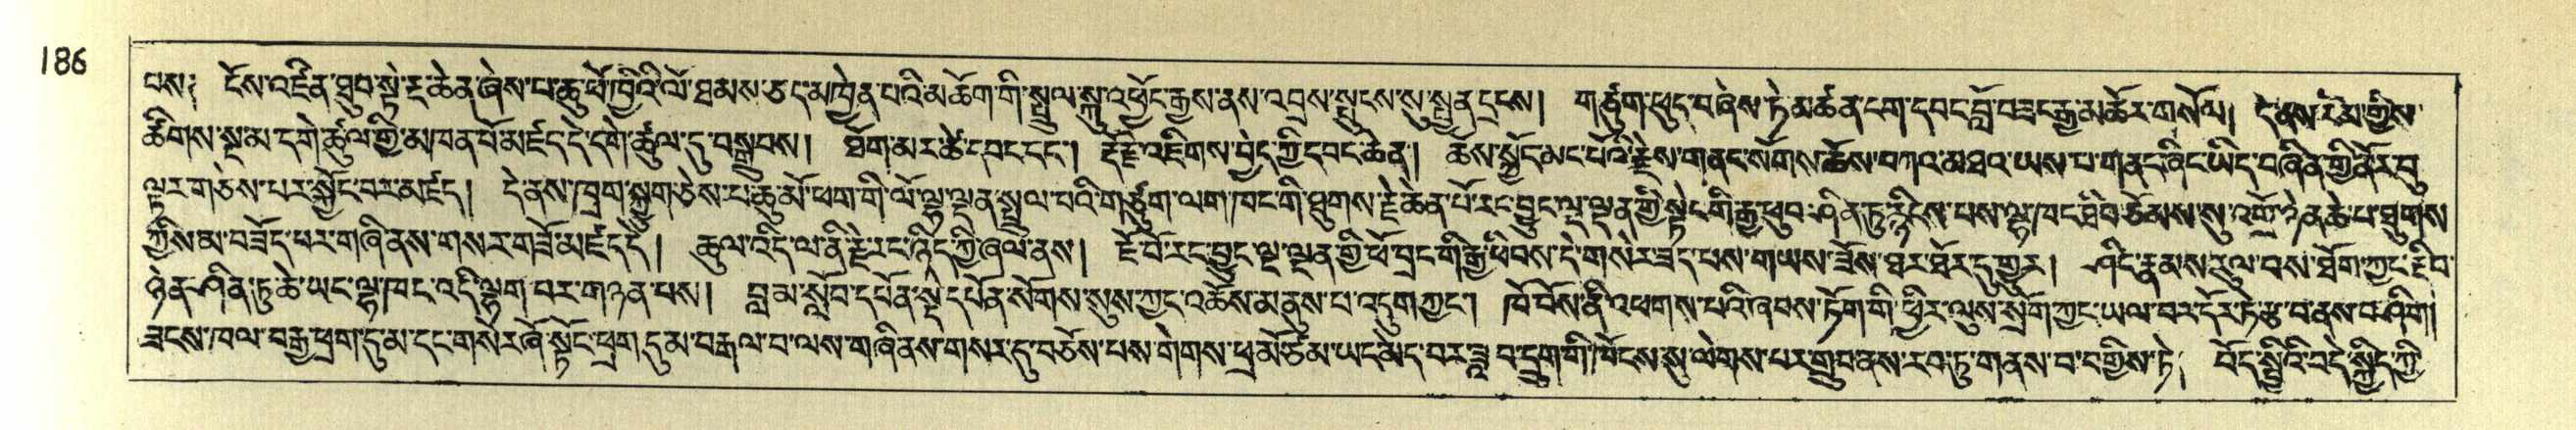པས༑ ངོས་འཛིན་ཐུབ་སྟེ་རྔ་ཆེན་ཞེས་པ་ཆུ་ཕོ་ཁྱིའི་ལོ་ཐམས་ཅད་མཁྱེན་པའི་མཆོག་གི་སྤྲུལ་སྐུ་འཕྱོང་རྒྱས་ནས་འབྲས་སྤུངས་སུ་སྤྱན་དྲངས། གཙུག་ཕུང་བཞེས་ཏེ་མཚན་ངག་དབང་བློ་བཟང་རྒྱ་མཆོར་གསོལ། དེ་ནས་རིམ་གྱིས་
ཚིགས་སྔ་མ་དགེ་ཚུལ་གྱི་མཁན་པོ་མཛད་དེ་དགེ་ཚུལ་དུ་བསྒྲུབས། ཐོག་མར་ཚེ་དབང་དང་། རྡོ་རྗེ་འཇིགས་བྱེད་ཀྱི་དབང་ཆེན། ཆོས་སྐྱོང་མང་པོའི་རྗེས་གནང་སོགས་ཆོས་བཀའ་མཐའ་ཡས་པ་གནང་ཞིང་ཡིད་བཞིན་གྱི་ནོར་བུ་
ལྟར་གཅེས་པར་སྐྱོང་བར་མཛད། དེ་ནས་ཁྲག་སྐྱུག་ཅེས་པ་ཆུ་མོ་ཕག་གི་ལོ་ལྷ་ལྡན་སྤྲུལ་པའི་གཙུག་ལག་ཁང་གི་ཐུགས་རྗེ་ཆེན་པོ་རང་བྱུང་ལྡ་ལྡན་གྱི་སྟེང་གི་རྒྱ་ཕུབ་ཤིན་ཏུ་རྙིངས་པས་ལྷ་ཁང་ཐིབ་ཅོམས་སུ་འགྲོ་ཉེན་ཆེ་པ་ཐུགས་
ཀྱིས་མ་བཟོད་པར་གཞི་ནས་གསར་གཟོ་མཛད་དོ། ཆུལ་འདི་ལ་ནི་རྗེ་རང་ཉིད་ཀྱི་ཞལ་ནས། ཇོ་བོ་རང་བྱུང་ལྔ་ལྡན་གྱི་ཕོ་བྲང་གི་རྒྱ་ཕིབས་དེ་གསེར་ཟད་པས་གཡས་ཟོས་ཐར་ཐོར་དུ་གྱུར། ཤིང་རྣམས་རུལ་བས་ཐོག་ཀྱང་རྡིབ་
ཉེན་ཤིན་ཏུ་ཆེ་ཡང་ལྷ་ཁང་འདི་ལྷག་བར་གཉན་པས། བླ་མ་སློབ་དཔོན་སྡེ་དཔོན་སོགས་སུས་ཀྱང་འཆོས་མནུས་པ་འདུག་ཀྱང་། ཁོ་བོས་ནི་འཕགས་པའི་ཞབས་ཏོག་གི་ཕྱིར་ལུས་སྲོག་ཀྱང་ཡལ་བར་དོར་ཏེ་རྩ་བ་ནས་བ་ཤིག།
ཟངས་ཁལ་བརྒྱ་ཕྲག་དུ་མ་དང་གསེར་ཞོ་སྟོང་ཕྲག་དུམ་བརྒལ་བ་ལས་གཞི་ནས་གསར་དུ་བཅོས་པས་གེགས་ཕྲ་མོ་ཙམ་ཡང་མེད་བར་ཟླ་བ་དྲུག་གི་ཁོངས་སུ་ལེགས་པར་གྲུབ་ནས་རབ་ཏུ་གནས་པ་བགྱིས་ཏེ། བོད་སྤྱིའི་བདེ་སྐྱིད་ཀྱི་